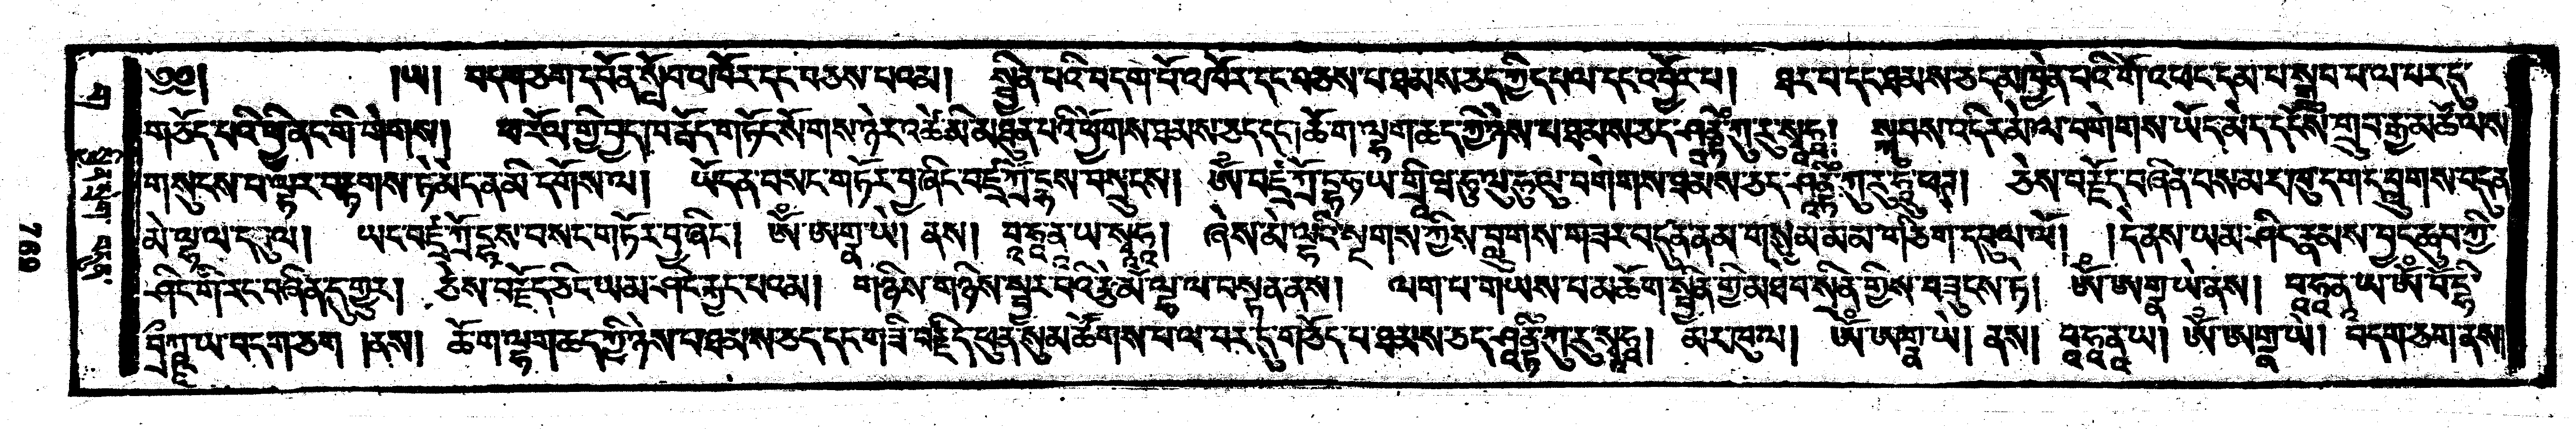༄༅། །ཡ། བདག་ཅག་དཔོན་སློབ་འཁོར་དང་བཅས་པའམ། སྦྱིན་པའི་བདག་པོ་འཁོར་དང་བཅས་པ་ཐམས་ཅད་ཀྱི་དཔལ་དང་འབྱོར་པ། ཐར་པ་དང་ཐམས་ཅད་མཁྱེན་པའི་གོ་འཕང་དམ་པ་སྒྲུབ་པ་ལ་པར་དུ་
གཅོད་པའི་ཕྱི་ནང་གི་གེགས། ཕ་རོལ་གྱི་བྱད་ཁ་རྦོད་གཏོང་སོགས་ཉེར་འཚེ་མི་མཐུན་པའི་ཕྱོགས་ཐམས་ཅད་དང་། ཆོ་ག་ལྷག་ཆད་ཀྱི་ཉེས་པ་ཐམས་ཅད་ཤཱནྟེཾ་ཀུ་རུ་སྭཱཧཱ། སྐབས་འདིར་མེ་ལ་བགེགས་ཡོད་མེད་དངོས་གྲུབ་རྒྱ་མཚོ་ལས་
གསུངས་པ་ལྟར་བརྟགས་ཏེ་མེད་ན་མི་དགོས་ལ། ཡོད་ན་བསང་གཏོར་བྱ་ཞིང་བཛྲ་ཀྲོ་དྷས་བསྲུངས། ཨོཾ་བཛྲ་ཀྲོ་དྷ་ཧ་ཡ་གྲའི་ཝ་ཧུ་ལུ་ཧུ་ལུ་བགེགས་ཐམས་ཅད་ཤཱནྟིཾ་ཀུ་རུ་ཧཱུཾ་ཕཊ། ཅེས་བརྗོད་བཞིན་བས་མར་ཁུ་དགང་བླུགས་བདུན་
མེ་ལྷ་ལ་དབུལ། ཡང་བཛྲ་ཀྲོ་དྷས་བསང་གཏོར་བྱ་ཞིང་། ཨོཾ་ཨགན་ཡེ། ནས། བཱ་ཧཱ་ནཱ་ཡ་སྭཱཧཱ། ཞེས་མེ་ལྷའི་སྔགས་ཀྱིས་བླུགས་གཟར་བདུན་ནམ་གསུམ་མམ་གཅིག་དབུལ་ལོ། །དེ་ནས་ཡམ་ཤིང་རྣམས་བྱང་ཆུབ་ཀྱི་
ཤིང་གི་རང་བཞིན་དུ་གྱུར། ཅེས་བརྗོད་ཅིང་ཡམ་ཤིང་རྐྱང་པའམ། གཉིས་གཉིས་སྦྱར་བའི་རྩེ་མོ་ལྷ་ལ་བསྟན་ནས། ལག་པ་གཡས་པ་མཆོག་སྦྱིན་གྱི་མཐེ་བ་སྲིན་གྱིས་བཟུངས་ཏེ། ཨོཾ་ཨགན་ཡེ་ནས། བཱ་ཧཱ་ནཱ་ཡ་ཨོཾ་བོ་དྷི་
བྲྀཀྵཱ་ཡ་བདག་ཅག །ནས། ཆོ་ག་ལྷག་ཆད་ཀྱི་ཉེས་པ་ཐམས་ཅད་དང་གཟི་བརྗིད་ཕུན་སུམ་ཚོགས་པ་ལ་བར་དུ་གཅོད་པ་ཐམས་ཅད་ཤཱནྟིཾ་ཀུ་རུ་སྭཱཧཱ། མར་ཁུ་ལ། ཨོཾ་ཨགན་ཡེ། ནས། བཱ་ཧཱ་ནཱ་ཡ། ཨོཾ་ཨགན་ཡེ། བདག་ཅག་ནས།